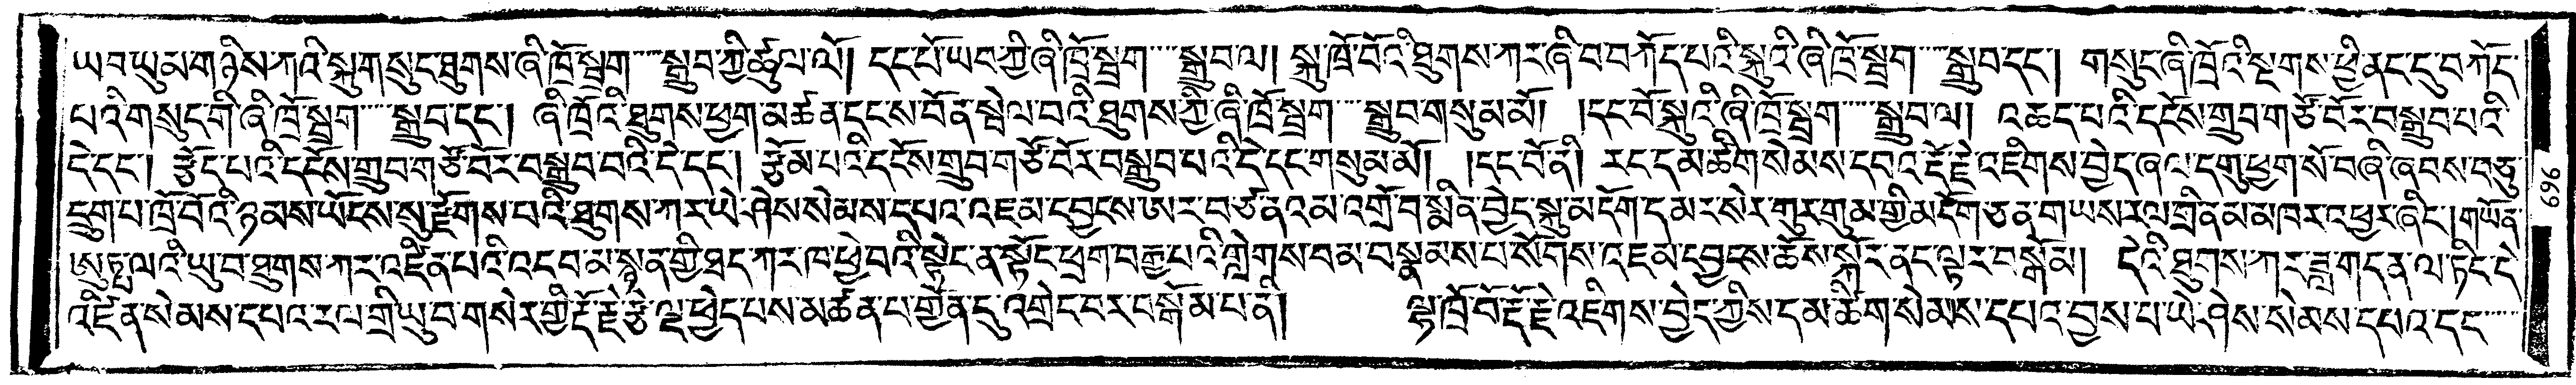ཡབ་ཡུམ་གཉིས་ཀའི་སྐུ་གསུང་ཐུགས་ཞི་ཁྲོ་སྦྲག་སྒྲུབ་ཀྱི་ཚུལ་ལོ། དང་པོ་ཡབ་ཀྱི་ཞི་ཁྲོ་སྦྲག་སྒྲུབ་ལ། སྐུ་ཁྲོ་བོའི་ཐུགས་ཀར་ཞི་བ་བཀོད་པའི་སྐུའི་ཞི་ཁྲོ་སྦྲག་སྒྲུབ་དང་། གསུང་ཞི་ཁྲོའི་སྔགས་ཕྱི་ནང་དུ་བཀོད་
པའི་གསུང་གི་ཞི་ཁྲོ་སྦྲག་སྒྲུབ་དང་། ཞི་ཁྲོའི་ཐུགས་ཕྱག་མཚན་དང་ས་བོན་སྤེལ་བའི་ཐུགས་ཀྱི་ཞི་ཁྲོ་སྦྲག་སྒྲུབ་གསུམ་མོ། །དང་པོ་སྐུའི་ཞི་ཁྲོ་སྦྲག་སྒྲུབ་ལ། འཆད་པའི་དངོས་གྲུབ་གཙོ་བོར་བསྒྲུབ་པའི་
དེ་དང་། རྩོད་པའི་དངོས་གྲུབ་གཙོ་བོར་བསྒྲུབ་པའི་དེ་དང་། རྩོམ་པའི་དངོས་གྲུབ་གཙོ་བོར་བསྒྲུབ་པའི་དེ་དང་གསུམ་མོ། །དང་པོ་ནི། རང་དམ་ཚིག་སེམས་དཔའ་རྡོ་རྗེ་འཇིགས་བྱེད་ཞལ་དགུ་ཕྱག་སོ་བཞི་ཞབས་བཅུ་
དྲུག་པ་ཁྲོ་བོའི་ཉམས་ཡོངས་སུ་རྫོགས་པའི་ཐུགས་ཀར་ཡེ་ཤེས་སེམས་དཔའ་འཇམ་དབྱངས་ཨ་ར་པ་ཙ་ནའམ་འགྲོ་བ་སྨིན་བྱེད་སྐུ་མདོག་དམར་སེར་གུར་གུམ་གྱི་མདོག་ཅན་གཡས་རལ་གྲི་ནམ་མཁར་འཕྱར་ཞིང་། གཡོན་
ཨུཏྤ་ལའི་ཡུ་བ་ཐུགས་ཀར་འཛིན་པའི་འདབ་མ་སྙན་གྱི་ཐད་ཀར་ཁ་ཕྱེ་བའི་སྟེང་ན་སྟོང་ཕྲག་བརྒྱ་པའི་གླེགས་བམ་བསྣམས་པ་སོགས་འཇམ་དབྱངས་ཆོས་སྐོར་ནང་ལྟར་བསྒོམ། དེའི་ཐུགས་ཀར་ཟླ་གདན་ལ་ཏིང་ངེ་
འཛིན་སེམས་དཔའ་རལ་གྲི་ཡུ་བ་གསེར་གྱི་རྡོ་རྗེ་རྩེ་ལྔ་ཕྱེད་པས་མཚན་པ་གྱེན་དུ་འགྲེང་བར་བསྒོམ་པ་ནི། ལྷ་ཁྲོ་བོ་རྡོ་རྗེ་འཇིགས་བྱེད་ཀྱིས་དམ་ཚིག་སེམས་དཔའ་བྱས་པ་ཡེ་ཤེས་སེམས་དཔའ་དང་